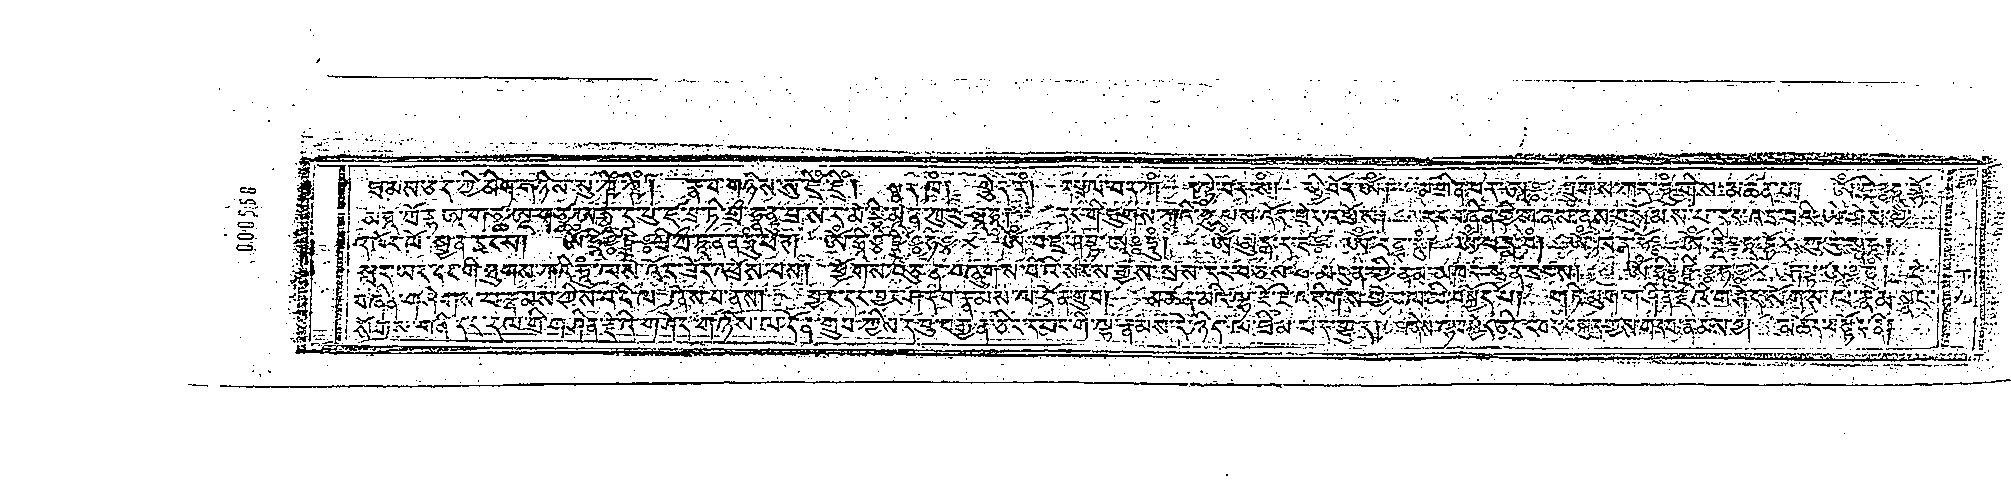ཐམས་ཅད་ཀྱི་མིག་གཉིས་སུ་ཀྵིཾ་ཀྵིཾ། རྣ་བ་གཉིས་སུ་ཛྲིཾ་ཛྲིཾ། སྣར་ཁཾ། ལྕེ་ར་རཾ། དཔྲལ་བར་ཀཾ། །ལྟེ་བར་སཾ། སྤྱི་བོར་ཨོཾ། མགྲིན་པར་ཨཱཿ་ཐུགས་ཀར་ཧཱུཾ་གྱིས་མཚན་པ། ཨོཾ་ཧྲཱིཿ་ཧཱུཾ་བྷོ་
མ་ཧཱ་ཀྲི་དྷ་ཨཱ་གཙྪ་ཨཱ་གཙྪ་ཨསྨཱ་ད་པུ་ཛ་པ་ཏི་གྲྀཧྣནཱ་བྲ་ས་ད་མེ་དྷྲཱི་མཱ་ན་ཀུ་རུ་སྭཱ་ཧཱ། རང་གི་ཐུགས་ཀའི་ཧཱུཾ་ལས་འོད་ཟེར་འཕྲོས། རང་བཞིན་གྱིས་གནས་ནས་བསྒོམས་པ་དང་འདྲ་བའི་ཡེ་ཤེས་གྱི་
འཁོར་ལོ་སྤྱན་དྲངས། ཨོཾ་ཧྲཱིཿ་ཥྚཱིཿ་ཝི་ཀྲྀ་ཏཱ་ན་ན་ཧཱུཾ་ཕཊ། ཨོཾ་ཧྲཱིཿ་ཥྚྲཱིཿ་ཧཿ་྾་ཨོཾ་བཛྲ་ཤཔྟ་ཨཱཿ་ཧཱུཾ། ཨོཾ་མུངྒ་ད་ཛཿ་ཨོཾ་དཎྚ་ཧཱུཾ། ཨོཾ་པདམ་བཾ། ཨོཾ་ཁངྒ་ཕོཿ་ཨོཾ་ཧྲཱིཿ་ཧཱ་བྷོ་྾་ཀུ་དུ་སྭཱ་ཧཱ།
སླར་ཡང་དང་གི་ཐུགས་ཀའི་ཧཱུཾ་ལས་འོད་ཟེར་འཕྲོས་པས། ཕྱོགས་བཅུ་ན་བཞུགས་པའི་སངས་རྒྱས་སྲས་དང་བཅས་པ་མདུན་གྱི་ནམ་མཁར་སྤྱན་དྲངས། ཨོཾ་ཧྲཱིཿ་ཥྚྲཱིཿ་ཧཿ་྾་ཤཔྟ་ཨཱཿ་ཧཱུཾ། དེ་
བཞིན་གཤེགས་པ་རྣམས་ཀྱིས་འདི་ལ་ཞེས་པ་ནས། བྱང་དང་བྱང་ཤར་བ་རྣམས་ལ་དོན་གྲུབ། མཚན་མའི་ལྷ་རྡོ་རྗེ་འཇིགས་བྱེད་ལ་མི་བསྐྱོད་པ། གཏི་མུག་གཤིན་རྗེའི་གཤེད་སོགས་ལ་རྣམ་སྣང་
སོགས་བཞི་དང་རལ་གྲི་གཤིན་རྗེའི་གཤེད་གཉིས་ལ་དོན་གྲུབ་ཀྱིས་དབུ་བརྒྱ་ཅིང་དབང་གི་ལྷ་རྣམས་དེ་ཉིད་ལ་ཐིམ་པར་གྱུར། ཞེས་ལྷ་བསྐྱེད་ཅིང་དབང་བསྐུར་རྒྱས་གདབ་རྣམས་བྱ། མཆོད་བསྟོད་ནི།